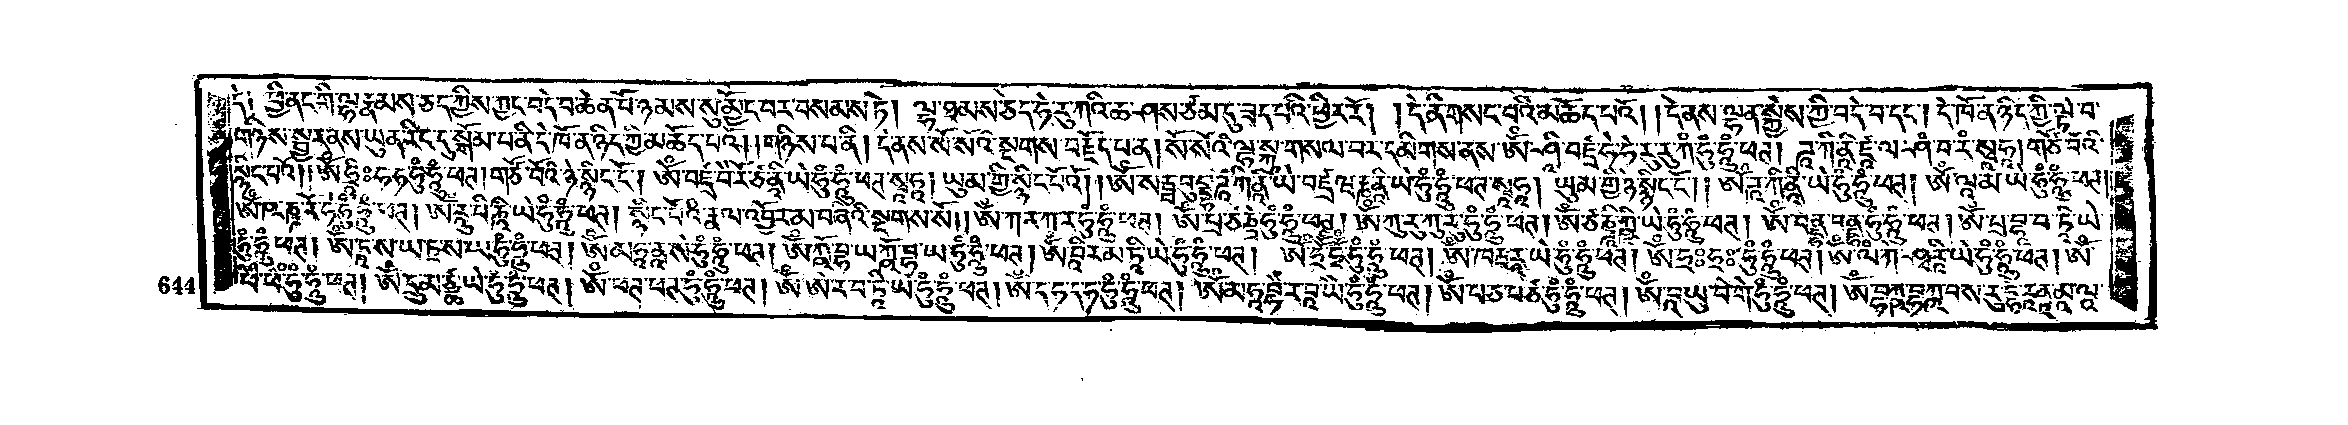དེ། ཕྱི་ནང་གི་ལྷ་རྣམས་ཅད་ཀྱིས་ཀྱང་བདེ་བ་ཆེན་པོ་ཉམས་སུ་མྱོང་བར་བསམས་ཏེ། ལྷ་ཐམས་ཅད་ཧེ་རུ་ཀའི་ཆ་ཤས་ཅམ་དུ་ཟད་པའི་ཕྱིར་རོ། །དེ་ནི་གསང་བའི་མཆོད་པའོ། །དེ་ནས་ལྷན་སྐྱེས་ཀྱི་བདེ་བ་དང་། དེ་ཁོ་ན་ཉིད་ཀྱི་ལྟ་བ་
གཉིས་སྦྱར་ནས་ཡུན་རིང་དུ་སྒོམ་པ་ནི་དེ་ཁོ་ན་ཉིད་ཀྱི་མཆོད་པའོ། །གཉིས་པ་ནི། དེ་ནས་སོ་སོའི་སྔགས་བརྗོད་པ་ན། སོ་སོའི་ལྷ་སྐུ་གསལ་བར་དམིགས་ནས་ཨོཾ་ཤྲཱི་བཛྲ་ཧེ་ཧེ་རུ་རུ་ཀཾ་ཧུཾ་ཧཱུཾ་ཕཊ། ཌཱ་ཀི་ནཱི་ཛཱ་ལ་ཤཾ་བ་རཾ་སྭཱ་ཧཱ། གཙོ་བོའི་
སྙིང་པའོ། །ཨོཾ་ཧྲཱིཿ ཧ་ཧ་ཧུཾ་ཧཱུཾ་ཕཊ། གཙོ་བོའི་ཉེ་སྙིང་ངོ། ཨོཾ་བཛྲ་བཻ་རོ་ཙ་ནཱི་ཡེ་ཧུཾ་ཧཱུཾ་ཕཊ་སྭཱ་ཧཱ། ཡུམ་གྱི་སྙིང་པོའོ། །ཨོཾ་སརྦྦ་བུདྡྷ་ཌཱ་ཀི་ནཱི་ཡེ་བཛྲ་ཝ་རྞ་ནཱི་ཡེ་ཧུཾ་ཧཱུཾ་ཕཊ་སྭཱ་ཧཱ། ཡུམ་གྱི་ཉེ་སྙིང་ངོ། །ཨོཾ་ཌཱ་ཀི་ནཱི་ཡེ་ཧུཾ་ཧཱུཾ་ཕཊ། ཨོཾ་ལཱ་མི་ཡེ་ཧུཾ་ཧཱུཾ་ཕཊ།
ཨོཾ་ཥ་ཎྜ་རོ་ཧེ་ཧུཾ་ཧཱུཾ་ཕཊ། ཨ་རཱུ་པི་ཎཱི་ཡེ་ཧུཾ་ཧཱུཾ་ཕཊ། སྙིང་པོའི་རྣལ་འབྱོར་མ་བཞིའི་སྔགས་སོ། །ཨོཾ་ཀ་ར་ཀ་ར་ཧུཾ་ཧཱུཾ་ཕཊ། ཨོཾ་པྲ་ཙཎྜེ་ཧུཾ་ཧཱུཾ་ཕཊ། ཨོཾ་ཀུ་རུ་ཀུ་རུ་ཧུཾ་ཧཱུཾ་ཕཊ། ཨོཾ་ཙ་ཎྜཱི་ཀྵཱི་ཡེ་ཧུཾ་ཧཱུཾ་ཕཊ། ཨོཾ་བནྡྷ་བནྡྷ་ཧུཾ་ཧཱུཾ་ཕཊ། ཨོཾ་པྲ་བྷཱ་བ་ཏཱི་ཡེ་
ཧུཾ་ཧཱུཾ་ཕཊ། ཨོཾ་ཏཱ་ས་ཡ་ཏྲ་ས་ཡ་ཧུཾ་ཧཱུཾ་ཕཊ། ཨོཾ་མཧཱ་ནཱ་སེ་ཧུཾ་ཧཱུཾ་ཕཊ། ཨོཾ་ཀྵོ་བྷ་ཡ་ཀྵོ་བྷ་ཡ་ཧུཾ་ཧཱུཾ་ཕཊ། ཨོཾ་བཱིར་མ་ཏཱི་ཡེ་ཧུཾ་ཧཱུཾ་ཕཊ། ཨོཾ་ཧྲཽཾ་ཧྲཽཾ་ཧུཾ་ཧཱུཾ་ཕཊ། ཨོཾ་ཁརྦ་རཱི་ཡེ་ཧུཾ་ཧཱུཾ་ཕཊ། ཨོཾ་ཧྲཿ ཧྲཿ ཧུཾ་ཧཱུཾ་ཕཊ། ཨོཾ་ལི་ཀ་ཤྭ་རཱི་ཡེ་ཧུཾ་ཧཱུཾ་ཕཊ། ཨོཾ་
ཕེཾ་ཕེཾ་ཧུཾ་ཧཱུཾ་ཕཊ། ཨོཾ་དྲུ་མ་ཙྪ་ཡེ་ཧུཾ་ཧཱུཾ་ཕཊ། ཨོཾ་ཕཊ་ཕཊ་ཧུཾ་ཧཱུཾ་ཕཊ། ཨོཾ་ཨེ་ར་བ་ཏཱི་ཡེ་ཧུཾ་ཧཱུཾ་ཕཊ། ཨོཾ་ད་ཧ་ད་ཧ་ཧུཾ་ཧཱུཾ་ཕཊ། ཨོཾ་མཧཱ་བྷཻ་ར་བཱ་ཡི་ཧུཾ་ཧཱུཾ་ཕཊ། ཨོཾ་པ་ཅ་པ་ཙ་ཧུཾ་ཧཱུཾ་ཕཊ། ཨོཾ་བཱ་ཡུ་བ་གེ་ཧུཾ་ཧཱུཾ་ཕཊ། ཨོཾ་བྷ་ཀྵ་བྷུ་ཀྵ་བ་ས་རུ་དྷི་རཱ་ནཱ་མཱ་ལཱ་